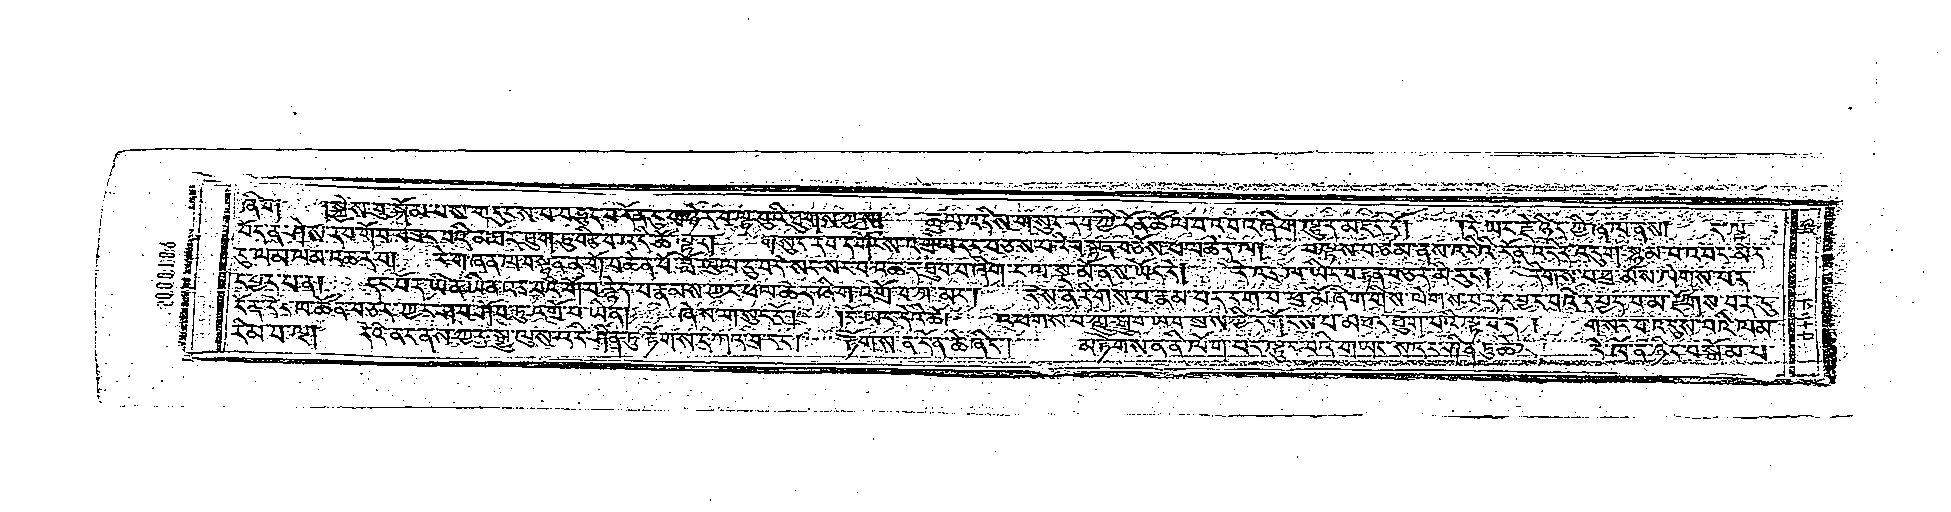ཞིག །སྐྱེས་བུ་སྐོམ་པས་གདུངས་པ་བཏུང་བ་དོན་དུ་གཉེར་བ་ལྟ་བུའི་ཐུགས་ཀྱིས། ཚུལ་འདིས་གསུང་རབ་ཀྱི་དོན་ཚོལ་བ་འབའ་ཞིག་ལྷུར་མཛད་དོ། །དེ་ཡང་རྗེ་ཉིད་ཀྱི་ཞལ་ནས། ད་ལྟ་
བོད་ན་ཤེས་རབ་གོ་བ་བཟང་བའི་མཐར་ཐུག་ཏུ་བརྩི་བ་འདི་ཆོ་ལྟར། གསུང་རབ་དགོངས་འགྲེལ་དང་བཅས་པའི་བསྟན་བཅོས་ཕལ་ཆེར་ལ། བལྟས་པ་ཙམ་ནས་འདིའི་དོན་འདིར་འདུག་སྙམ་པ་འབད་མེད་
དུ་ལམ་ལམ་འཆར་བ། དེ་གཞན་ལ་བསྟན་ན་གོ་བ་ཆེན་པོ་བློ་ཡུལ་དུ་བདེ་སང་སང་བ་འཆར་ཐུབ་པ་ཞིག་ང་ལ་སྔ་མོ་ནས་ཡོད་དེ། དེ་འདྲ་ལ་ཡིད་བརྟན་བཅར་མི་རུང་། རིགས་པ་ཕྲ་མོས་
དཔྱད་པ་ན། དང་པོར་ཡིན་ཡིན་འདྲ་བའི་གོ་བ་རྙེད་པ་རྣམས་པ་རྣམས་ཀྱང་ཕལ་ཆེར་ཞིག་འགྲོ་བ་ཀ་མང་། ངེས་ན་རིགས་པ་རྣམ་པར་དག་པ་ཕྲ་མོ་ཞིག་གིས་ལེགས་པར་དབྱད་པའི་དཔྱད་པ་མ་རྫོགས་བར་དུ་
དོན་དེར་ཁ་ཚོན་བཅད་ཀྱང་ཤབ་ཤོབ་ཏུ་འགྲོ་པ་ཡིན། ཞེས་གསུང་ངོ། །དེ་ཡང་དེའི་ཚེ། འཕགས་པ་ཀླུ་སྒྲུབ་ཡབ་སྲས་ཀྱི་དགོངས་པ་མཐར་ཐུག་པའི་ལྟ་བ་དང་། གསང་བ་འདུས་བའི་ལམ་
རིམ་པ་ལྔ། དེའི་ནང་ནས་ཀྱང་སྒྱུ་ལུས་འདི་ཤིན་ཏུ་རྟོགས་དཀའ་བ་དང་། རྟོགས་ན་དོན་ཆེ་ཞིང་། མ་རྟོགས་ན་ནི་ལོག་པར་ལྟུང་བའི་གཡང་སའང་ཤིན་ཏུ་ཆེ་བ། དེ་ཁོ་ན་ཉིད་བསྒོམ་པ་